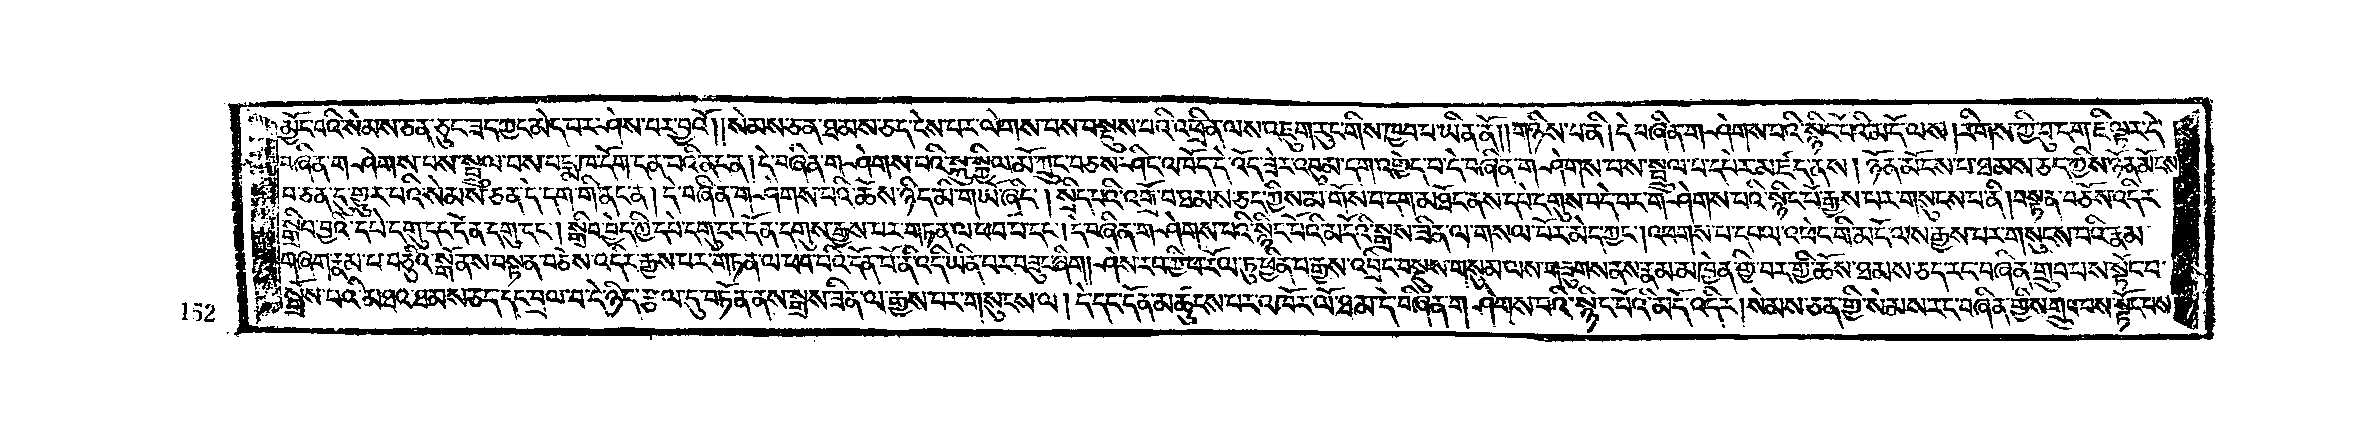མྱོང་བའི་སེམས་ཅན་ཅུང་ཟད་ཀྱང་མེད་པར་ཤེས་པར་བྱའོ། །སེམས་ཅན་ཐམས་ཅད་ངེས་པར་ལེགས་པས་བསྡུས་པའི་འཕྲིན་ལས་འཇུག་རུང་གིས་ཁྱབ་པ་ཡིན་ནོ། །གཉིས་པ་ནི། དེ་བཞིན་གཤེགས་པའི་སྙིང་པོའི་མདོ་ལས། རིགས་ཀྱི་བུ་དག་ཇི་ལྟར་དེ་
བཞིན་གཤེགས་པས་སྤྲུལ་པས་པདམ་ཁ་དོག་ངན་པའི་ནང་ན། དེ་བཞིན་གཤེགས་པའི་སྐུ་སྐྱིལ་མོ་ཀྲུང་བཅས་ཤིང་འཁོད་དེ་འོད་ཟེར་འབུམ་དག་འགྱེད་པ་དེ་བཞིན་གཤེགས་པས་སྤྲུལ་པ་དཔེར་མཛད་ནས། ཉོན་མོངས་པ་ཐམས་ཅད་ཀྱིས་ཉོན་མོངས་
པ་ཅན་དུ་གྱུར་པའི་སེམས་ཅན་དེ་དག་གི་ནང་ན། དེ་བཞིན་གཤེགས་པའི་ཆོས་ཉིད་མི་གཡོ་ཞིང་། སྲིད་པའི་འགྲོ་བ་ཐམས་ཅད་ཀྱིས་མ་གོས་པ་དག་མཐོང་ནས་དཔེ་དགུས་བདེ་བར་གཤེགས་པའི་སྙིང་པོ་རྒྱས་པར་གསུངས་པ་ནི། བསྟན་བཅོས་འདིར་
སྒྲིབ་བྱའི་དཔེ་དགུ་དང་དོན་དགུ་དང་། སྒྲིབ་བྱེད་ཀྱི་དཔེ་དགུ་དང་དོན་དགུས་རྒྱས་པར་གཏན་ལ་ཕབ་པ་དང་། དེ་བཞིན་གཤེགས་པའི་སྙིང་པོའི་མདོའི་སྒྲས་ཟིན་ལ་གསལ་པོར་མེད་ཀྱང་། འཕགས་པ་དཔལ་འཕེད་གི་མདོ་ལས་རྒྱས་པར་གསུངས་པའི་རྣམ་
གཞག་རྣམ་པ་བཅུའི?་སྒོ་ནས་བསྟན་བཅོས་འདིར་རྒྱས་པར་གཏན་ལ་ཕབ་པའི་དོན་པོ་ནི་འདི་ཡིན་པར་བཟུང་ཞིག །ཤེས་རབ་ཀྱི་ཕ་རོལ་ཏུ་ཕྱིན་པ་རྒྱས་འབྲིང་བསྡུས་གསུམ་ལས་གཟུགས་ནས་རྣམ་མཁྱེན་གྱི་བར་གྱི་ཆོས་ཐམས་ཅད་རང་བཞིན་གྲུབ་པས་སྟོང་བ་
སྒྲོས་པའི་མཐའ་ཐམས་ཅད་དང་བྲ་བ་དེ་ཉིད་རྩ་ལ་དུ་བཏོན་ནས་སྒྲས་ཟིན་ལ་རྒྱས་པར་གསུངས་ལ། དེ་དང་དོན་མཚུངས་པར་འཁོར་ལོ་ཐ་མ་དེ་བཞིན་གཤེགས་པའི་སྙིང་པོའི་མདོ་འདིར། སེམས་ཅན་གྱི་སེམས་རང་བཞིན་གྱིས་གྲུབ་པས་སྟོང་བས་